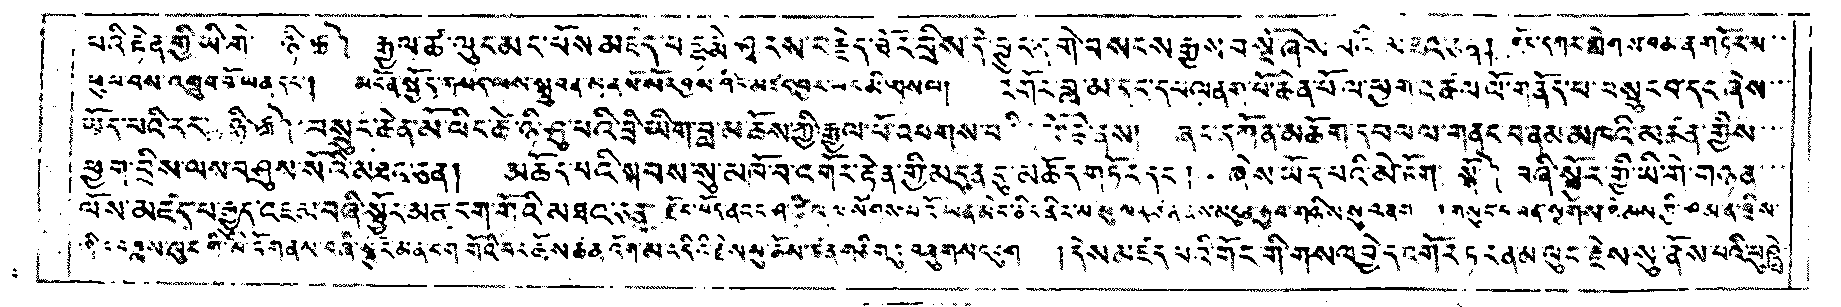པའི་རྟེན་གྱི་ཡི་གེ་ཉི~྾?་རྒྱལ་ཚ་ལུང་མང་པོས་མཛད་པ་དྷརྨེ་ཤྭ་རས་བརྗེད་ཐོར་བྲིས་དེ་བྱུང་དགེ་བ་སངས་རྒྱས་བསྔོ་ཞེས་པའི་མཐའ་ཅན། གོང་དཀར་གླེགས་བམ་ན་གཏོར་མ་
ཕུལ་བས་འགྲུབ་བོ་ཡན་དང་། མངོན་སྤྱོད་གསད་ལས་སྒྲུབ་ན་མན་སོ་སོར་བྱས་ཤིང་མཛད་བྱང་ཡང་མི་གསལ། འགོར་བླ་མ་དང་དཔལ་ནག་པོ་ཆེན་པོ་ལ་ཕྱག་འཚལ་ལོ་གནོད་པ་བསྲུང་བ་དང་ཞེས་
ཡོད་པའི་རང་ཉི~྾?་བསྲུང་ཆེན་མོ་ལིང་ཚེ་ཉི་ཤུ་པའི་བྲི་ཡིག་བླ་མ་ཆོས་ཀྱི་རྒྱལ་པོ་འཕགས་པ་རིན་པོ་ཆེ་ནས། ཞང་དཀོན་མཆོག་དཔལ་ལ་གནང་བ་ནམ་མཁའི་མཚན་གྱིས་
ཕྱག་བྲིས་ལས་བཤུས་སོའི་མཐའ་ཅན། མཆོད་པའི་སྐབས་སུ་མཁོ་བ་འགོར་རྟེན་གྱི་མདུན་དུ་མཆོད་གཏོར་དང་། ཞེས་ཡོད་པའི་མེ་ཏོག་སྒ྄ོ་བཞི་སྦྱོར་གྱི་ཡི་གེ་གཉན་
ལོས་མཛད་པ་རྒྱུད་འཇམ་བཞི་སྦྱོར་མན་ངག་གོའི་མཐའ་ཅན་རྫོང་པོད་ནའང་ཤ་ཚིལ་ལ་སོགས་པའོ་ཡན་མེད་ཅིང་ནིར་མ་ཕུ་ལན་ཙན་ནས་མདུན་རྒྱབ་གཉིས་སུ་བཞག །གསུང་པ་ཡན་སྔགས་ཐེམས་ཀྱི་ཤམ་ན་བྲིས་
ཤིང་བཟླས་ལུང་གི་མེ་ཏོག་ནས་བཞི་སྦྱོར་མན་ངག་གོའི་བར་ཆོས་ཚན་འོག་མ་འདིའི་རྗེས་སུ་ཆོས་ཚན་གཅིག་ཏུ་བཞུགས་འདུག །དེས་མཛད་པའི་གོང་གི་གསལ་བྱེད་འགོར་ཏ་ར་ན་མ་ལུང་རྗེས་སུ་ནོས་པའི་པུཥྤེ་